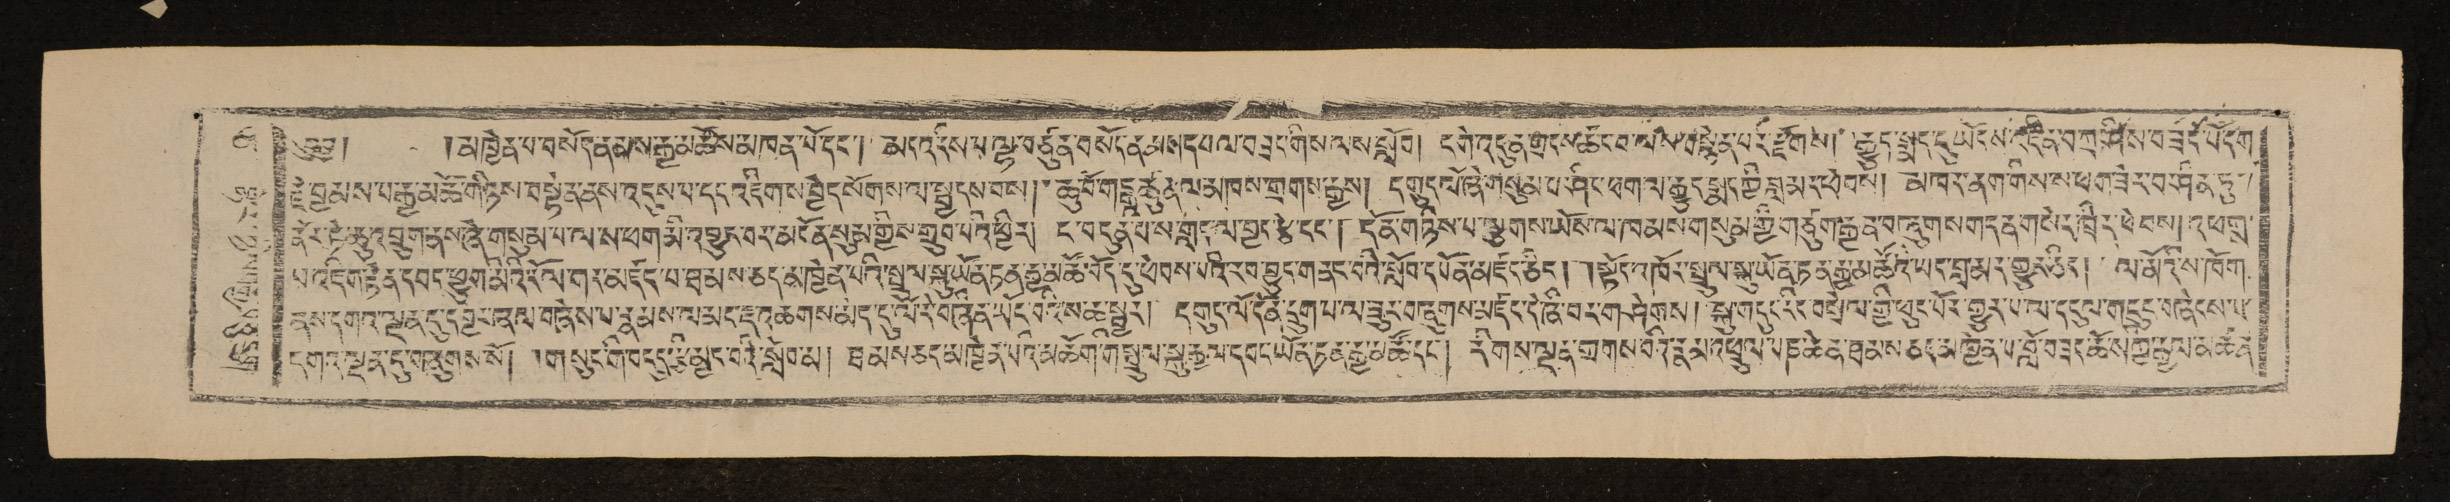༄༅། །མཁྱེན་པ་བསོད་ནམས་རྒྱ་མཚོས་མཁན་པོ་དང་། མངའ་རིས་པ་ལྷ་བཙུན་བསོད་ནམས་དཔལ་བཟང་གིས་ལས་སློབ། དགེ་འདུན་གྲངས་ཚང་བ་ལས་བསྙེན་པར་རྫོགས། རྒྱུད་སྨད་དུ་ཡོངས་འཛིན་བཀྲ་ཤིས་བཟང་པོ་དང་
རྗེ་བྱམས་པ་རྒྱ་མཚོ་གཉིས་བསྟེན་ནས་འདུས་པ་དང་འཇིགས་བྱེད་སོགས་ལ་སྦྱངས་པས། ཆུ་བོ་གངྒཱ་ཚུན་ལ་མཁས་གྲགས་རྒྱས། དགུང་ལོ་ཞེ་གསུམ་པ་ཤིང་ཕག་ལ་རྒྱུད་སྨད་ཀྱི་བླ་མར་ཕེབས། མཁར་ནག་གིས་ས་ཕག་ཟེར་བ་ཤིན་ཏུ་
ནོར་ཏེ་ཆུ་འབྲུག་ནས་ཞེ་གསུམ་པ་ལ་ས་ཕག་མི་འབྱུང་བར་མངོན་སུམ་གྱིས་གྲུབ་པའི་ཕྱིར། ད་བདུན་པ་ས་གླང་ལ་བྱང་རྩེ་དང་། དོན་གཉིས་པ་ལྕགས་ཡོས་ལ་ཁམས་གསུམ་གྱི་གཙུག་རྒྱན་བཞུགས་གདན་གསེར་ཁྲིར་ཕེབས། འཕགས་
པ་འཇིག་རྟེན་དབང་ཕྱུག་མིའི་རོལ་གར་མཛད་པ་ཐམས་ཅད་མཁྱེན་པའི་སྤྲུལ་སྐུ་ཡོན་ཏན་རྒྱ་མཚོ་བོད་དུ་ཕེབས་པའི་རབ་བྱུང་གནང་བའི་སློབ་དཔོན་མཛད་ཅིང་། སྟོང་འཁོར་སྤྲུལ་སྐུ་ཡོན་ཏན་རྒྱ་མཚོའི་ཡང་བླ་མར་གྱུར་ཅིང་། ལ་མོའི་ས་ཁོག་
ནས་དགའ་ལྡན་དུ་དབྱར་ཞལ་བཞེས་པ་རྣམས་ལ་མང་ཇ་འཆགས་མེད་དུ་ལ་རི་བཞིན་ཡོང་བའི་ས་ཆ་སྦྱར། དགུང་ལོ་དོན་དྲུག་པ་ལ་ཟུར་བཞུགས་མཛད་དེ་ཞི་བར་གཤེགས། སྐུ་གདུང་རིང་བསྲེལ་གྱི་ཕུང་པོར་གྱུར་པ་ལ་དངུལ་གདུང་བཞེངས་པ་
དགའ་ལྡན་དུ་བཞུགས་སོ། །གསུང་གི་བདུད་རྩི་མྱང་བའི་སློབ་མ། ཐམས་ཅད་མཁྱེན་པའི་མཆོག་གི་སྤྲུལ་སྐུ་རྒྱལ་དབང་ཡོན་ཏན་རྒྱ་མཚོ་དང་། རིགས་ལྡན་གྲགས་པའི་རྣམ་འཕྲུལ་པཎ་ཆེན་ཐམས་ཅད་མཁྱེན་པ་བློ་བཟང་ཆོས་ཀྱི་རྒྱལ་མཚན་